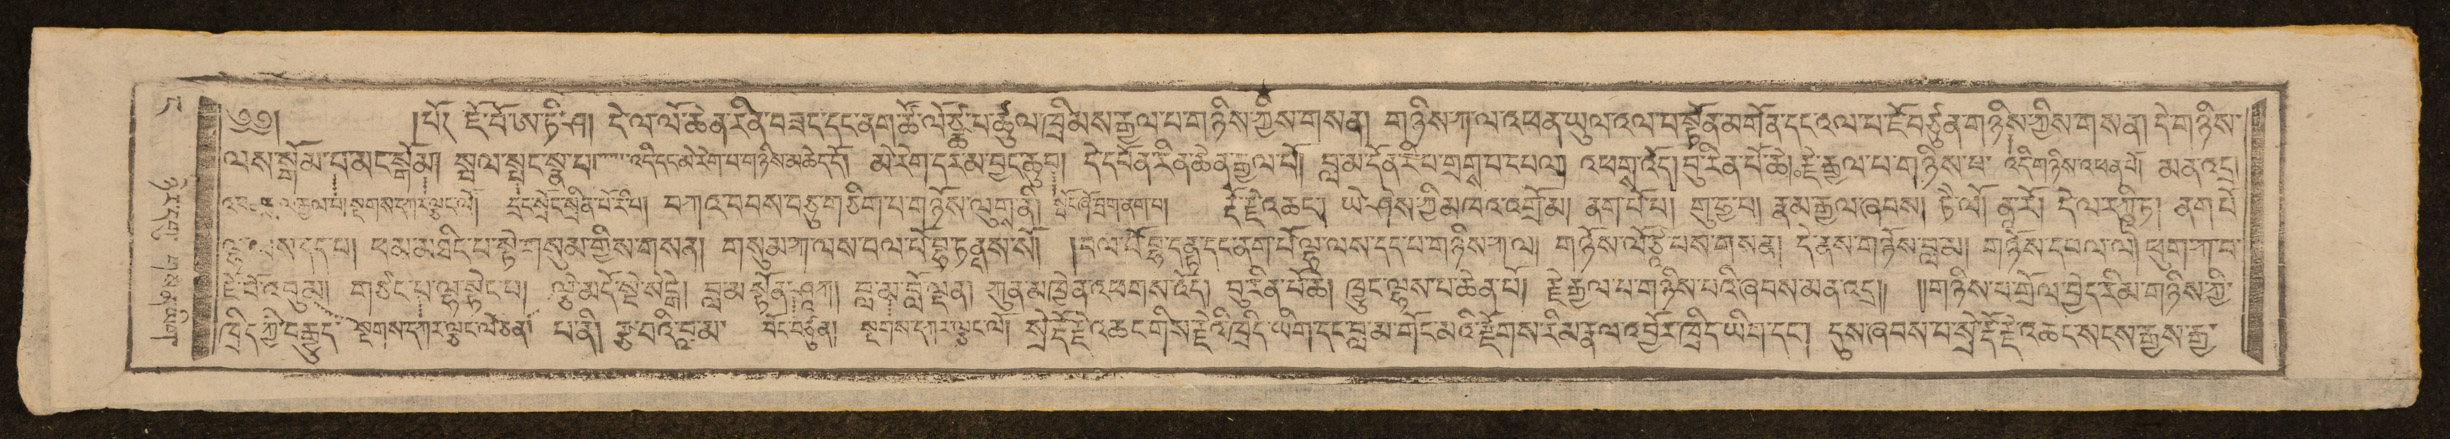༄༅། །པོ༑ ཇོ་བོ་ཨ་ཏི་ཤ། དེ་ལ་ལ་ཆེན་རིན་བཟང་དང་ནག་ཚོ་ལོ་ཙྪ་པ་ཚུལ་ཁྲིམས་རྒྱལ་པ་གཉིས་ཀྱིས་གསན། གཉིས་ཀ་ལ་འཕན་ཡུལ་འལ་པ་སྟོན་མགོན་དང་འལ་པ་ཇོ་བཙུན་གཉིས་ཀྱིས་གསན། དེ་གཉིས་
ལས་སྒོམ་པ་མང་སྒོམ། སྦལ་སྤང་སྣ་པ་འདི་དང་མེ་རེག་པ་གཉིས་མཆེད་དོ། མེ་རེག་དར་མ་བྱང་ཆུབ། དེ་དཔོན་རིན་ཆེན་རྒྱལ་པོ། བླ་མ་དོན་རི་བ་གྲགས་པ་དཔལ། འཕགས་འོད། བུ་རིན་པོ་ཆེ། རྗེ་རྒྱལ་པ་གཉིས་པ་འདི་གཉིས་འཕན་པོ། མན་འདྲ།
འཕན་བུལ་རྒྱལ་པ་སྔགས་དཀར་ལྕང་ལོ། དྲང་སྲོང་སྲིན་པོ་རི་བ། བཀའ་བབས་བཅུ་གཅིག་པ་གཉོས་ལུགས་ནི། སྤོང་ཞོ་བྲག་ནག་པ། རྡོ་རྗེ་འཆང་། ཡེ་ཤེས་ཀྱི་མཁའ་འགྲོ་མ། ནག་པོ་པ། གུ་ཧྱ་པ། རྣམ་རྒྱལ་ཞབས། ཏཻ་ལོ། ནཱ་རོ། ངེ་ལ་རཀྵི་ཏ། ནག་པོ་
ལྷ་ལས་དད་པ། ཕམ་མཐིང་པ་སྟེ་གསུམ་གྱིས་གསན། གསུམ་ཀ་ལས་བལ་བོ་བྷ་ཏནྡས་སོ། །བལ་པོ་བྷ་དནྟ་དང་ནག་པོ་ལྷ་ལས་དད་པ་གཉིས་ཀ་ལ། གཉོས་ལོ་ཙཱ་པས་གསན། དེ་ནས་གཉོས་བླ་མ། གཉོས་དཔལ་ལ། ཕུག་ཀ་
ཇོ་བོ་འབུམ། གཙང་བ་ལྷ་སྟེང་བ། ལྕེ་མདོ་སྡེ་སེངྒེ། བླ་མ་སྟོན་ཤཱཀ། བླ་མ་བློ་ལྡན། ཀུན་མཁྱེན་འཕགས་འོད། བུ་རིན་པོ་ཆེ། ཁྱུང་ལྷས་པ་ཆེན་པོ། རྗེ་རྒྱལ་པ་གཉིས་པའི་ཞབས་མན་འདྲ།། །།གཉིས་པ་གྲོལ་བྱེད་རིམ་གཉིས་ཀྱི་
ཁྲིད་ཀྱི་བརྒྱུད་སྔགས་དཀར་ལྕང་ལེ་ཅན། པ་ནི། རྩ་བའི་བླ་མ་བོང་བཙུན། སྔགས་དཀར་ལྕང་ལོ། སྲེ་རྡོ་རྗེ་འཆང་གིས་རྗེའི་ཁྲིད་ཡིག་དང་བླ་མ་གོང་མའི་རྫོགས་རིམ་རྣལ་འབྱོར་ཁྲིད་ཡིག་དང་། དུས་ཞབས་པ་སྲེ་རྡོ་རྗེ་འཆང་སངས་རྒྱས་རྒྱ་